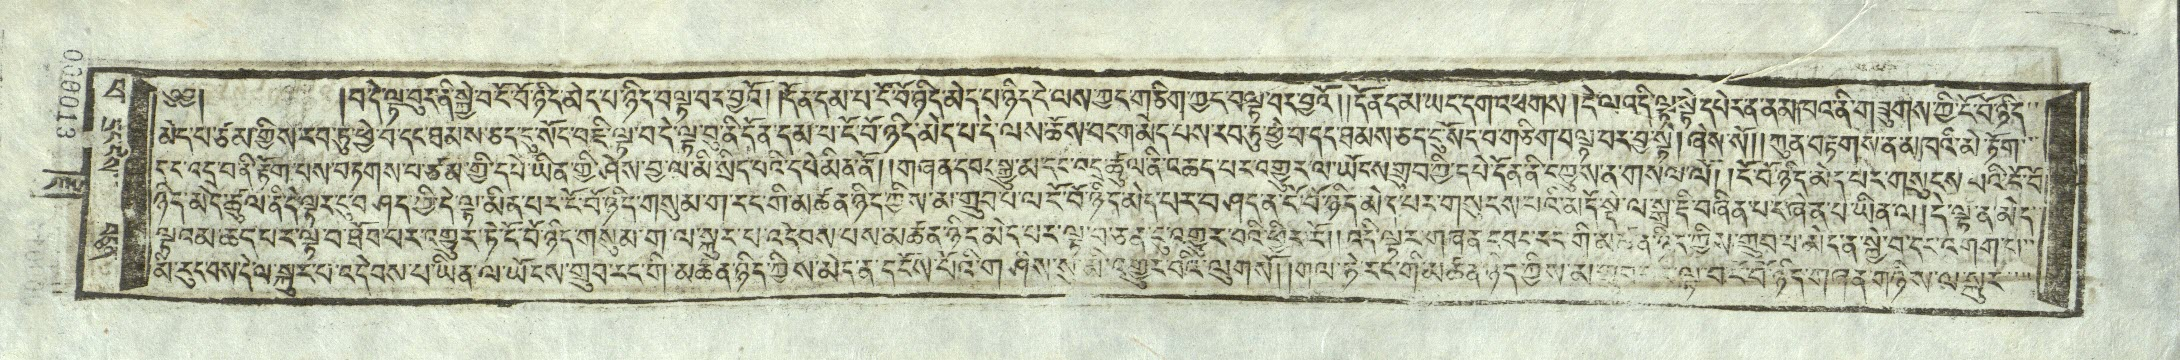༄༅། །བ་དེ་ལྟ་བུར་ནི་སྐྱེ་བ་ངོ་བོ་ཉིད་མེད་པ་ཉིད་བལྟ་བར་བྱའོ། །དོན་དམ་པ་ངོ་བོ་ཉིད་མེད་པ་ཉིད་དེ་ལས་ཀྱང་གཅིག་ཀྱང་བལྟ་བར་བྱའོ། །དོན་དམ་ཡང་དག་འཕགས། དེ་ལ་འདི་ལྟ་སྟེ་དཔེར་ན་ནམ་ཁའ་ནི་གཟུགས་ཀྱི་ངོ་བོ་ཉིད་
མེད་པ་ཙམ་གྱིས་རབ་ཏུ་ཕྱེ་བ་དང་ཐམས་ཅད་དུ་སོང་བ་ཇི་ལྟ་བ་དེ་ལྟ་བུ་ནི་དོན་དམ་པ་ངོ་བོ་ཉིད་མེད་པ་དེ་ལས་ཆོས་བདག་མེད་པས་རབ་ཏུ་ཕྱེ་བ་དང་ཐམས་ཅད་དུ་སོང་བ་གཅིག་བལྟ་བར་བྱ་སྟེ། ཞེས་སོ། །ཀུན་བརྟགས་ནམ་ཁའི་མེ་ཏོག་
དང་འདྲ་བ་ནི་རྟོག་པས་བཏགས་པ་ཙམ་གྱི་དཔེ་ཡིན་གྱི་ཤེས་བྱ་ལ་མི་སྲིད་པའི་དཔེ་མིན་ནོ། །གཞན་དབང་སྒྱུ་མ་དང་འདྲ་ཚུལ་ནི་འཆད་པར་འགྱུར་ལ་ཡོངས་གྲུབ་ཀྱི་དཔེ་དོན་ནི་དཀྱུས་ན་གསལ་ལོ། །ངོ་བོ་ཉིད་མེད་པར་གསུངས་པའི་ངོ་བོ་
ཉིད་མེད་ཚུལ་ནི་དེ་ལྟར་དུ་བཤད་ཀྱི་དེ་ལྟ་མིན་པར་ངོ་བོ་ཉིད་གསུམ་ག་རང་གི་མཚན་ཉིད་ཀྱིས་མ་གྲུབ་པ་ལ་ངོ་བོ་ཉིད་མེད་པར་བཤད་ན་ངོ་བོ་ཉིད་མེད་པར་གསུངས་པའི་མདོ་སྡེ་ལ་སྒྲ་ཇི་བཞིན་པར་ཞེན་པ་ཡིན་ལ། དེ་ལྟ་ན་མེད་
ལྟའམ་ཆད་པར་ལྟ་བ་ཐོབ་པར་འགྱུར་ཏེ་ངོ་བོ་ཉིད་གསུམ་ག་ལ་སྐུར་བ་འདེབས་པས་མཚན་ཉིད་མེད་པར་ལྟ་བ་ཅན་དུ་འགྱུར་བའི་ཕྱིར་རོ། །འདི་ལྟར་གཞན་དབང་རང་གི་མཚན་ཉིད་ཀྱིས་གྲུབ་པ་མེད་ན་སྐྱེ་བ་དང་འགག་པ་
མི་རུང་བས་དེ་ལ་སྐུར་པ་འདེབས་པ་ཡིན་ལ་ཡོངས་གྲུབ་རང་གི་མཚན་ཉིད་ཀྱིས་མེད་ན་དངོས་པོའི་གཤིས་སུ་མི་འགྱུར་བའི་ལུགས་སོ། །གལ་ཏེ་རང་གི་མཚན་ཉིད་ཀྱིས་མ་གྲུབ་པར་ལྟ་བ་ངོ་བོ་ཉིད་གཞན་གཉིས་ལ་སྐུར་